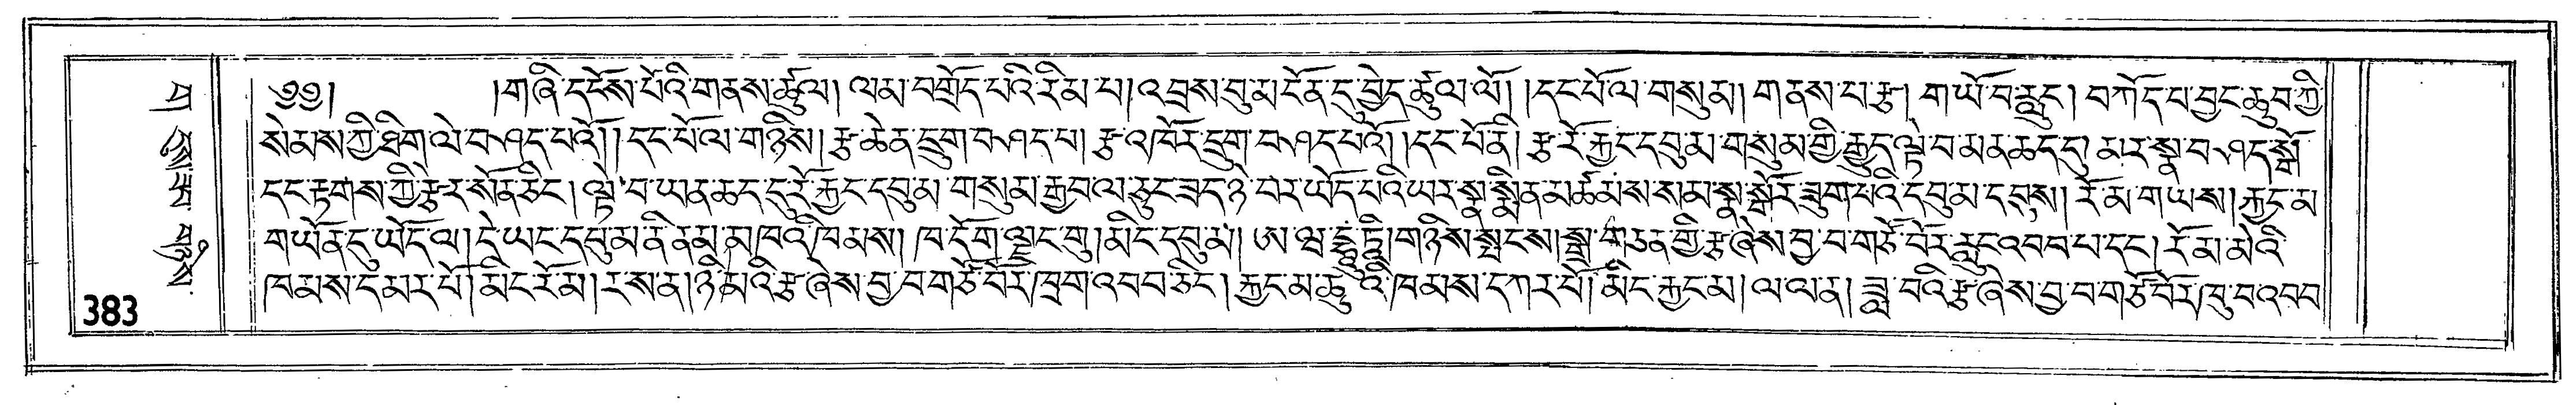༄༅། །གཞི་དངོས་པོའི་གནས་ཚུལ། ལམ་བགྲོད་པའི་རིམ་པ། འབྲས་བུ་མངོན་དུ་བྱེད་ཚུལ་ལོ། །དང་པོ་ལ་གསུམ། གནས་པ་རྩ། གཡོ་བ་རླུང་། བཀོད་པ་བྱང་ཆུབ་ཀྱི་
སེམས་ཀྱི་ཐིག་ལེ་བཤད་པའོ། །དང་པོ་ལ་གཉིས། རྩ་ཆེན་དྲུག་བཤད་པ། རྩ་འཁོར་དྲུག་བཤད་པའོ། །དང་པོ་ནི། རྩ་རོ་རྐྱང་དབུ་མ་གསུམ་གྱི་རྒྱུད་ལྟེ་བ་མན་ཆད་དུ། མར་སྣ་བཤད་སྒོ་
དང་རྟགས་ཀྱི་རྩེར་སོན་ཅིང་། ལྟེ་བ་ཡན་ཆད་དུ་རོ་རྐྱང་དབུ་མ་གསུམ་རྒྱབ་ལ་ཅུང་ཟད་ཉེ་བར་ཡོད་པའི་ཡར་སྣ་སྨིན་མཚམས་སམ་སྣ་སྒོར་ཟུག་པའི་དབུ་མ་དབུས། རོ་མ་གཡས། རྐྱང་མ་
གཡོན་དུ་ཡོད་ལ། དེ་ཡང་དབུ་མ་ནི་ནམ་མཁའི་ཁམས། ཁ་དོག་ལྗང་གུ །མིང་དབུ་མ། ཨ་ཝ་དྷཱུ་ཏཱི། གཉིས་སྤངས། སྒྲ་གཅན་གྱི་རྩ་ཞེས་བྱ་བ་གཙོ་བོར་རླུང་འབབ་པ་དང་། རོ་མ་མེའི་
ཁམས་དམར་པོ། མིང་རོ་མ། ར་ས་ན། ཉི་མའི་རྩ་ཞེས་བྱ་བ་གཙོ་བོར་ཁྲག་འབབ་ཅིང་། རྐྱང་མ་ཆུའི་ཁམས་དཀར་པོ། མིང་རྐྱང་མ། ལ་ལ་ན། ཟླ་བའི་རྩ་ཞེས་བྱ་བ་གཙོ་བོར་ཁུ་བ་འབབ་